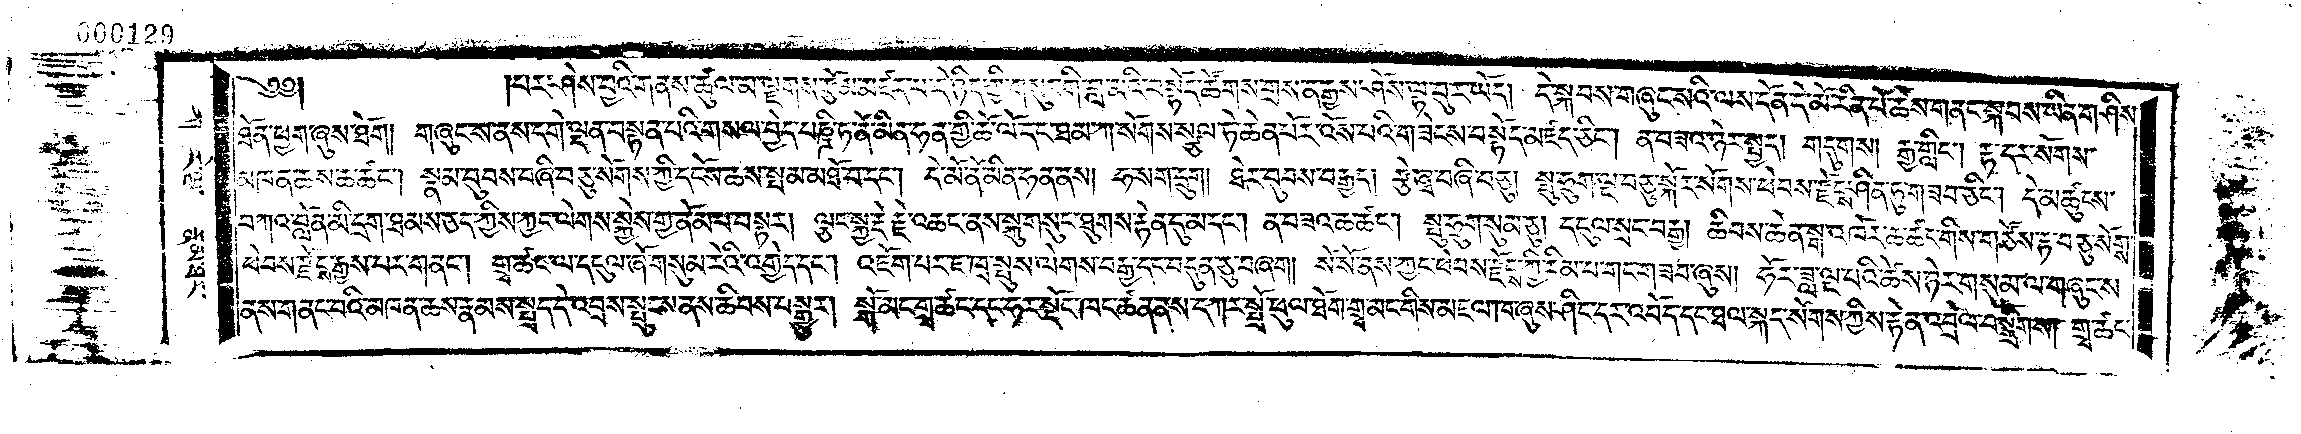༄༅། །པར་ཤེས་བྱའི་གནས་ཚུལ་མ་ལྗགས་རྩོམ་མཛད་པ་དེ་ཉིད་ཀྱི་གསུང་གི་བླ་མའི་བསྟོད་ཚོགས་གྲས་ན་རྒྱས་ཤོས་ལྟ་བུར་ཡོད། དེ་སྐབས་གཞུང་སའི་ལས་དོན་དེ་མོ་རིན་པོ་ཆེས་གནང་སྐབས་ཡིན་གཤིས་
ཐོན་ཕྱག་ཞུས་ཐོག། གཞུང་ས་ནས་དགེ་ལྡན་བསྟན་པའི་གསལ་བྱེད་པཎྜི་ཏ་ནོ་མིན་ཧན་གྱི་ཆོ་ལོ་དང་ཐམ་ཀ་སོགས་སྩལ་ཏེ་ཆེན་པོར་འོས་པའི་གཟེངས་བསྟོད་མཛད་ཅིང་། ན་བཟའ་ཉེར་སྤྱད། གདུགས། རྒྱ་གླིང་། རྟ་དར་སོགས་
མཁན་ཆས་ཆ་ཚང་། སྣམ་བུབས་བཞི་བཅུ་སོགས་ཀྱི་དངོས་ཆས་སྤམ་མཐོ་བ་དང་། དེ་མོ་ནོ་མིན་ཧན་ནས། ཧ་སག་དྲུག། ཐེར་བུབས་བརྒྱད། རྩེ་ཞྭ་བཞི་བཅུ། སྤུ་ཧྲུག་ལྔ་བཅུ་སྐོར་སོགས་ཕེབས་རྫོངས་ཤིན་ཏུ་གཟབ་ཅིང་། དེ་མཚུངས་
བཀའ་བློན་མི་དྲག་ཐམས་ཅད་ཀྱིས་ཀྱང་ལེགས་སྐྱེས་གྱ་ནོམ་པ་བསྟར། ལྕང་སྐྱ་རྡོ་རྗེ་འཆང་ནས་སྐུ་གསུང་ཐུགས་རྟེན་དུ་མ་དང་། ན་བཟའ་ཆ་ཚང་། སྤུ་ཧྲུག་སུམ་ཅུ། དངུལ་སྲང་བརྒྱ། ཆིབས་ཆེན་སྒ་འཁོར་ཆ་ཚང་གིས་གཙོས་རྟ་བཅུ་སོགས་
ཕེབས་རྫོངས་རྒྱས་པར་གནང་། གྲྭ་ཚང་ལ་དངུལ་ཞོ་གསུམ་རེའི་འགྱེད་དང་། འཇོག་པར་ཇ་ཁྲ་སྤུས་ལེགས་བརྒྱ་དང་བདུན་ཅུ་བཞག། སོ་སོ་ནས་ཀྱང་ཕེབས་རྫོངས་ཀྱི་རིམ་པ་གང་གཟབ་ཞུས། ཧོར་ཟླ་ལྔ་པའི་ཚེས་ཉེར་གསུམ་ལ་གཞུང་ས་
ནས་གནང་བའི་མཁན་ཆས་རྣམས་སྤྲད་དེ་འབྲས་སྤུངས་ནས་ཆིབས་བསྒྱུར། སྒོ་མང་གྲྭ་ཚང་དང་ཧར་སྡོང་ཁང་ཚན་ནས་དཀར་སྤྲོ་ཕུལ་ཐོག་གྲྭ་མང་གིས་མཇལ་ཁ་ཞུས་ཤིང་དར་འབོད་དང་ཐལ་སྐད་སོགས་ཀྱིས་རྟེན་འབྲེལ་བསྒྲིགས། གྲྭ་ཚང་